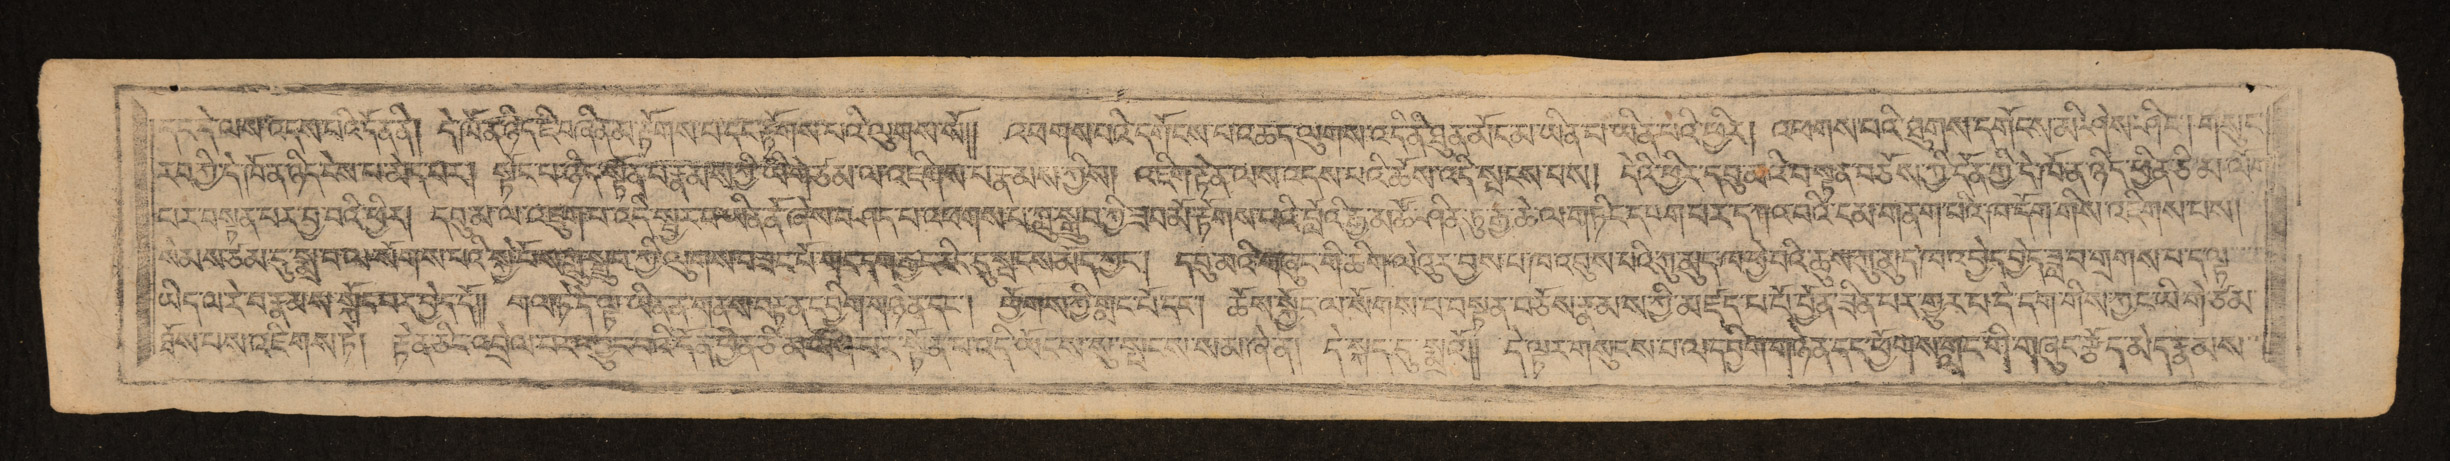དང་དེ་ལས་འདས་པའི་དོན་ནི། དེ་ཁོ་ན་ཉིད་ཇི་བཞིན་མ་རྟོགས་པ་དང་རྟོགས་པའི་ལུགས་སོ།། འཕགས་པའི་དགོངས་པ་འཆད་ལུགས་འདི་ནི་ཐུན་མོང་མ་ཡིན་པ་ཡིན་པའི་ཕྱིར། འཕགས་པའི་ཐུགས་དགོངས་མི་ཤེས་ཤིང་། གསུང་
རབ་ཀྱི་དེ་ཁོ་ན་ཉིད་ངེས་པ་མེད་པར། སྟོང་པ་ཉིད་སྟོན་པ་རྣམས་ཀྱི་ཡི་གེ་ཙམ་ལ་འཇིགས་པ་རྣམས་ཀྱིས། འཇིག་རྟེན་ལས་འདས་པའི་ཆོས་འདི་སྤངས་པས། དེའི་ཕྱིར་དབུ་མའི་བསྟན་བཅོས་ཀྱི་དོན་གྱི་དེ་ཁོ་ན་ཉིད་ཕྱིན་ཅི་མ་ལོག་
པར་བསྟན་པར་བྱ་བའི་ཕྱིར། དབུ་མ་ལ་འཇུག་པ་འདི་སྦྱར་བ་ཡིན་ནོ་ཞེས་བཤད་པ་འཕགས་པ་ཀླུ་སྒྲུབ་ཀྱི་ཟབ་མོ་རྟོགས་པའི་བློའི་རྒྱ་མཚོ་ཤིན་ཏུ་རྒྱ་ཆེ་ལ་གཏིང་དཔག་པར་དཀའ་བའི་ངམ་གནག་པའི་ཁ་དོག་གིས་འཇིགས་པས།
སེམས་ཙམ་དུ་སྨྲ་བ་ལ་སོགས་པའི་སྐྱེ་བོས་ཀླུ་སྒྲུབ་ཀྱི་ལུགས་བཟང་པོ་གང་དག་རྒྱང་རིང་དུ་སྤངས་མོད་ཀྱང་། དབུ་མའི་གཞུང་གི་ཚིག་ལེའུར་བྱས་པ་ཁ་འབུས་པའི་ཀུ་མུ་ད་ཁ་ཕྱེ་བའི་ཆུས་ཀུ་མུ་ད་ཁ་འབྱེད་བྱེད་ཟླ་བ་གྲགས་པ་ད་ལྟ་
ཡིད་ལ་རེ་བ་རྣམས་སྐོང་བར་བྱེད་དོ།། གལ་ཏེ་དེ་ལྟ་ཡིན་ན་གནས་བརྟན་དབྱིག་གཉེན་དང་། ཕྱོགས་ཀྱི་གླང་པོ་དང་། ཆོས་སྐྱོང་ལ་སོགས་པ་བསྟན་བཅོས་རྣམས་ཀྱི་མཛད་པ་པོ་བྱོན་ཟིན་པར་གྱུར་པ་དེ་དག་གིས་ཀྱང་ཡི་གེ་ཙམ་
ཐོས་པས་འཇིགས་ཏེ། རྟེན་ཅིང་འབྲེལ་བར་འབྱུང་བའི་དོན་ཕྱིན་ཅི་མ་ལོག་པར་སྟོན་པ་འདི་ཡོངས་སུ་སྤངས་སམ་ཞེ་ན། དེ་སྐད་དུ་སྨྲའོ།། དེ་ལྟར་གསུངས་པ་ལ་དབྱིག་གཉེན་དང་ཕྱོགས་གླང་གི་གཞུང་རྩོད་མེད་རྣམས་